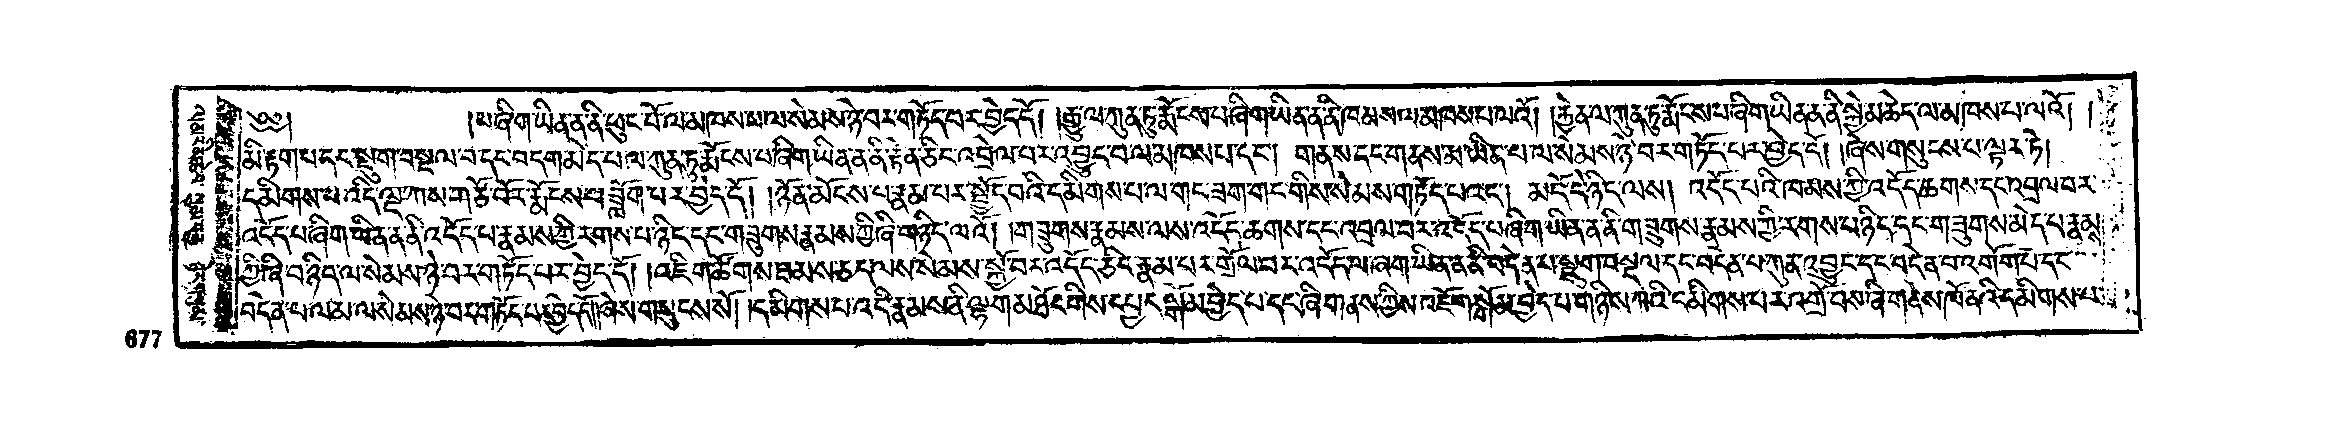༄༅། །པ་ཞིག་ཡིན་ན་ནི་ཕུང་པོ་ལ་མཁས་པ་ལ་སེམས་ཉེ་བར་གཏོད་པར་བྱེད་དོ། །རྒྱུ་ལ་ཀུན་ཏུ་རྨོངས་པ་ཞིག་ཡིན་ན་ནི་ཁམས་ལ་མཁས་པ་ལའོ། །རྐྱེན་ལ་ཀུན་ཏུ་རྨོངས་པ་ཞིག་ཡིན་ན་ནི་སྐྱེ་མཆེད་ལ་མཁས་པ་ལའོ། །
མི་རྟག་པ་དང་སྡུག་བསྔལ་བ་དང་བདག་མེད་པ་ལ་ཀུན་ཏུ་རྨོངས་པ་ཞིག་ཡིན་ན་ནི་རྟེན་ཅིང་འབྲེལ་བར་འབྱུང་བ་ལ་མཁས་པ་དང་། གནས་དང་གནས་མ་ཡིན་པ་ལ་སེམས་ཉེ་བར་གཏོད་པར་བྱེད་དོ། །ཞེས་གསུངས་པ་ལྟར་ཏེ།
དམིགས་པ་འདི་ལྔ་ཀས་གཙོ་བོར་རྨོངས་པ་ཟློག་པར་བྱེད་དོ། །ཉོན་མོངས་པ་རྣམ་པར་སྦྱོང་བའི་དམིགས་པ་ལ་གང་ཟག་གང་གིས་སེམས་གཏོད་པའང་། མདོ་དེ་ཉིད་ལས། འདོད་པའི་ཁམས་ཀྱི་འདོད་ཆགས་དང་འབྲལ་བར་
འདོད་པ་ཞིག་ཡིན་ན་ནི་འདོད་པ་རྣམས་ཀྱི་རགས་པ་ཉིད་དང་གཟུགས་རྣམས་ཀྱི་ཞི་བ་ཉིད་ལའོ། །གཟུགས་རྣམས་ལས་འདོད་ཆགས་དང་འབྲལ་བར་འདོད་པ་ཞིག་ཡིན་ན་ནི་གཟུགས་རྣམས་ཀྱི་རགས་པ་ཉིད་དང་གཟུགས་མེད་པ་རྣམས་
ཀྱི་ཞི་བ་ཉིད་ལ་སེམས་ཉེ་བར་གཏོད་པར་བྱེད་དོ། །འཇིག་ཚོགས་ཐམས་ཅད་ལས་སེམས་སྐྱོ་བར་འདོད་ཅིང་རྣམ་པར་གྲོལ་བར་འདོད་པ་ཞིག་ཡིན་ན་ནི་བདེན་པ་སྡུག་བསྔལ་དང་བདེན་པ་ཀུན་འབྱུང་དང་བདེན་པ་འགོག་པ་དང་
བདེན་པ་ལམ་ལ་སེམས་ཉེ་བར་གཏོད་པར་བྱེད་དོ། །ཞེས་གསུངས་སོ། །དམིགས་པ་འདི་རྣམས་ནི་ལྷག་མཐོང་གིས་དཔྱད་སྒོམ་བྱེད་པ་དང་ཞི་གནས་ཀྱིས་འཇོག་སྒོམ་བྱེད་པ་གཉིས་ཀའི་དམིགས་པར་འགྲོ་བས་ཞི་གནས་ཁོ་ནའི་དམིགས་པ་